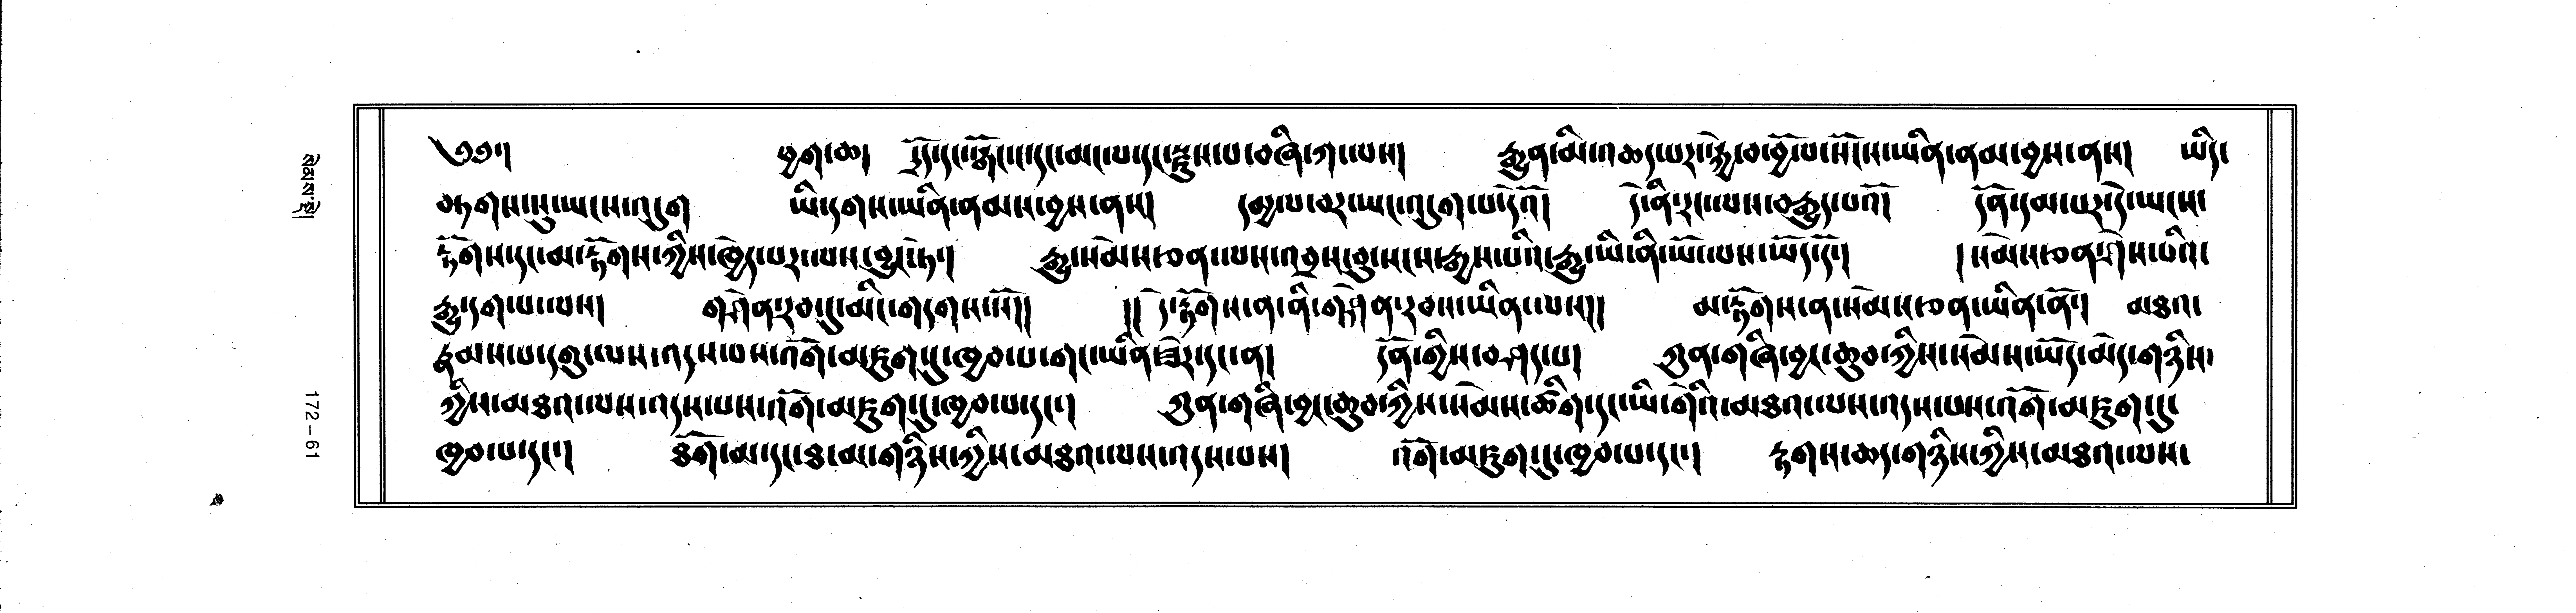ཕྱག་ཆ། དྲོད་དང་སྒོང་ང་དང་མངལ་དང་རྫུས་པ་བཞི་ཀ་ལས། རྒྱུན་མི་འཆད་པར་སྐྱེ་བ་བྱོལ་སོངས་ཡིན་ནམ་བྱས་ནས། ཡིད་
བཏགས་༼དྭགས་༽སུ་ཡངས་འདུག ཡི་དྭགས་ཡིན་ནམས་བྱས་ནས། དམྱལ་བར་ཡང་འདུག་པ་དེའོ། དེ་ནི་རང་ལས་བརྒྱུད་པའོ། དོན་དམ་པར་དེ་ཡངས་
རྟོགས་དང་མ་རྟོགས་ཀྱིས་ཁྱེད་པར་ལས་བྱུང་ཏེ། རྒྱུ་སེམས་ཅན་ལས་འབྲས་བུ་སངས་རྒྱས་པའི་རྒྱུ་ཡི་ནི་ཡོ་ལས་ཡོད་དོ། སེམས་ཅན་ཤེས་པའི་
རྒྱུ་དག་པ་ལས། གཤེན་རབ་དུ་མིང་དགས་སོ། དེ་རྟོགས་ན་ནི་གཤེན་རབ་ཡིན་ལས། མ་རྟོགས་ནས་སེམས་ཅན་ཡིན་ནོ། མཐའ་
རྣམས་པ་དགུ་ལས་འདས་པས་མགོ་མཇུག་དུ་ཁྱབ་པ་གང་ཡིན་ཟེར་དང་ན། དོན་གྱིས་བཤད་པ། ཀུན་གཞི་བྱང་ཆུབ་ཀྱིས་སེམས་ཡོད་མེད་གཉིས་
ཀྱིས་མཐའ་ལས་འདས་པས་མགོ་མཇུག་དུ་ཁྱབ་པ་དང་། ཀུན་གཞི་བྱང་ཆུབ་ཀྱིས་སེམས་ཚིག་དང་ཡི་གེའི་མཐའ་ལས་འདས་པས་མགོ་མཇུག་དུ་
ཁྱབ་པ་དང་། ཐོག་མ་དང་ཐ་མ་གཉིས་ཀྱིས་མཐའ་ལས་འདས་པས། མགོ་མཇུག་དུ་
ཁྱབ་པ་དང་། རྟགས་ཆད་གཉིས་ཀྱིས་མཐའ་ལས་